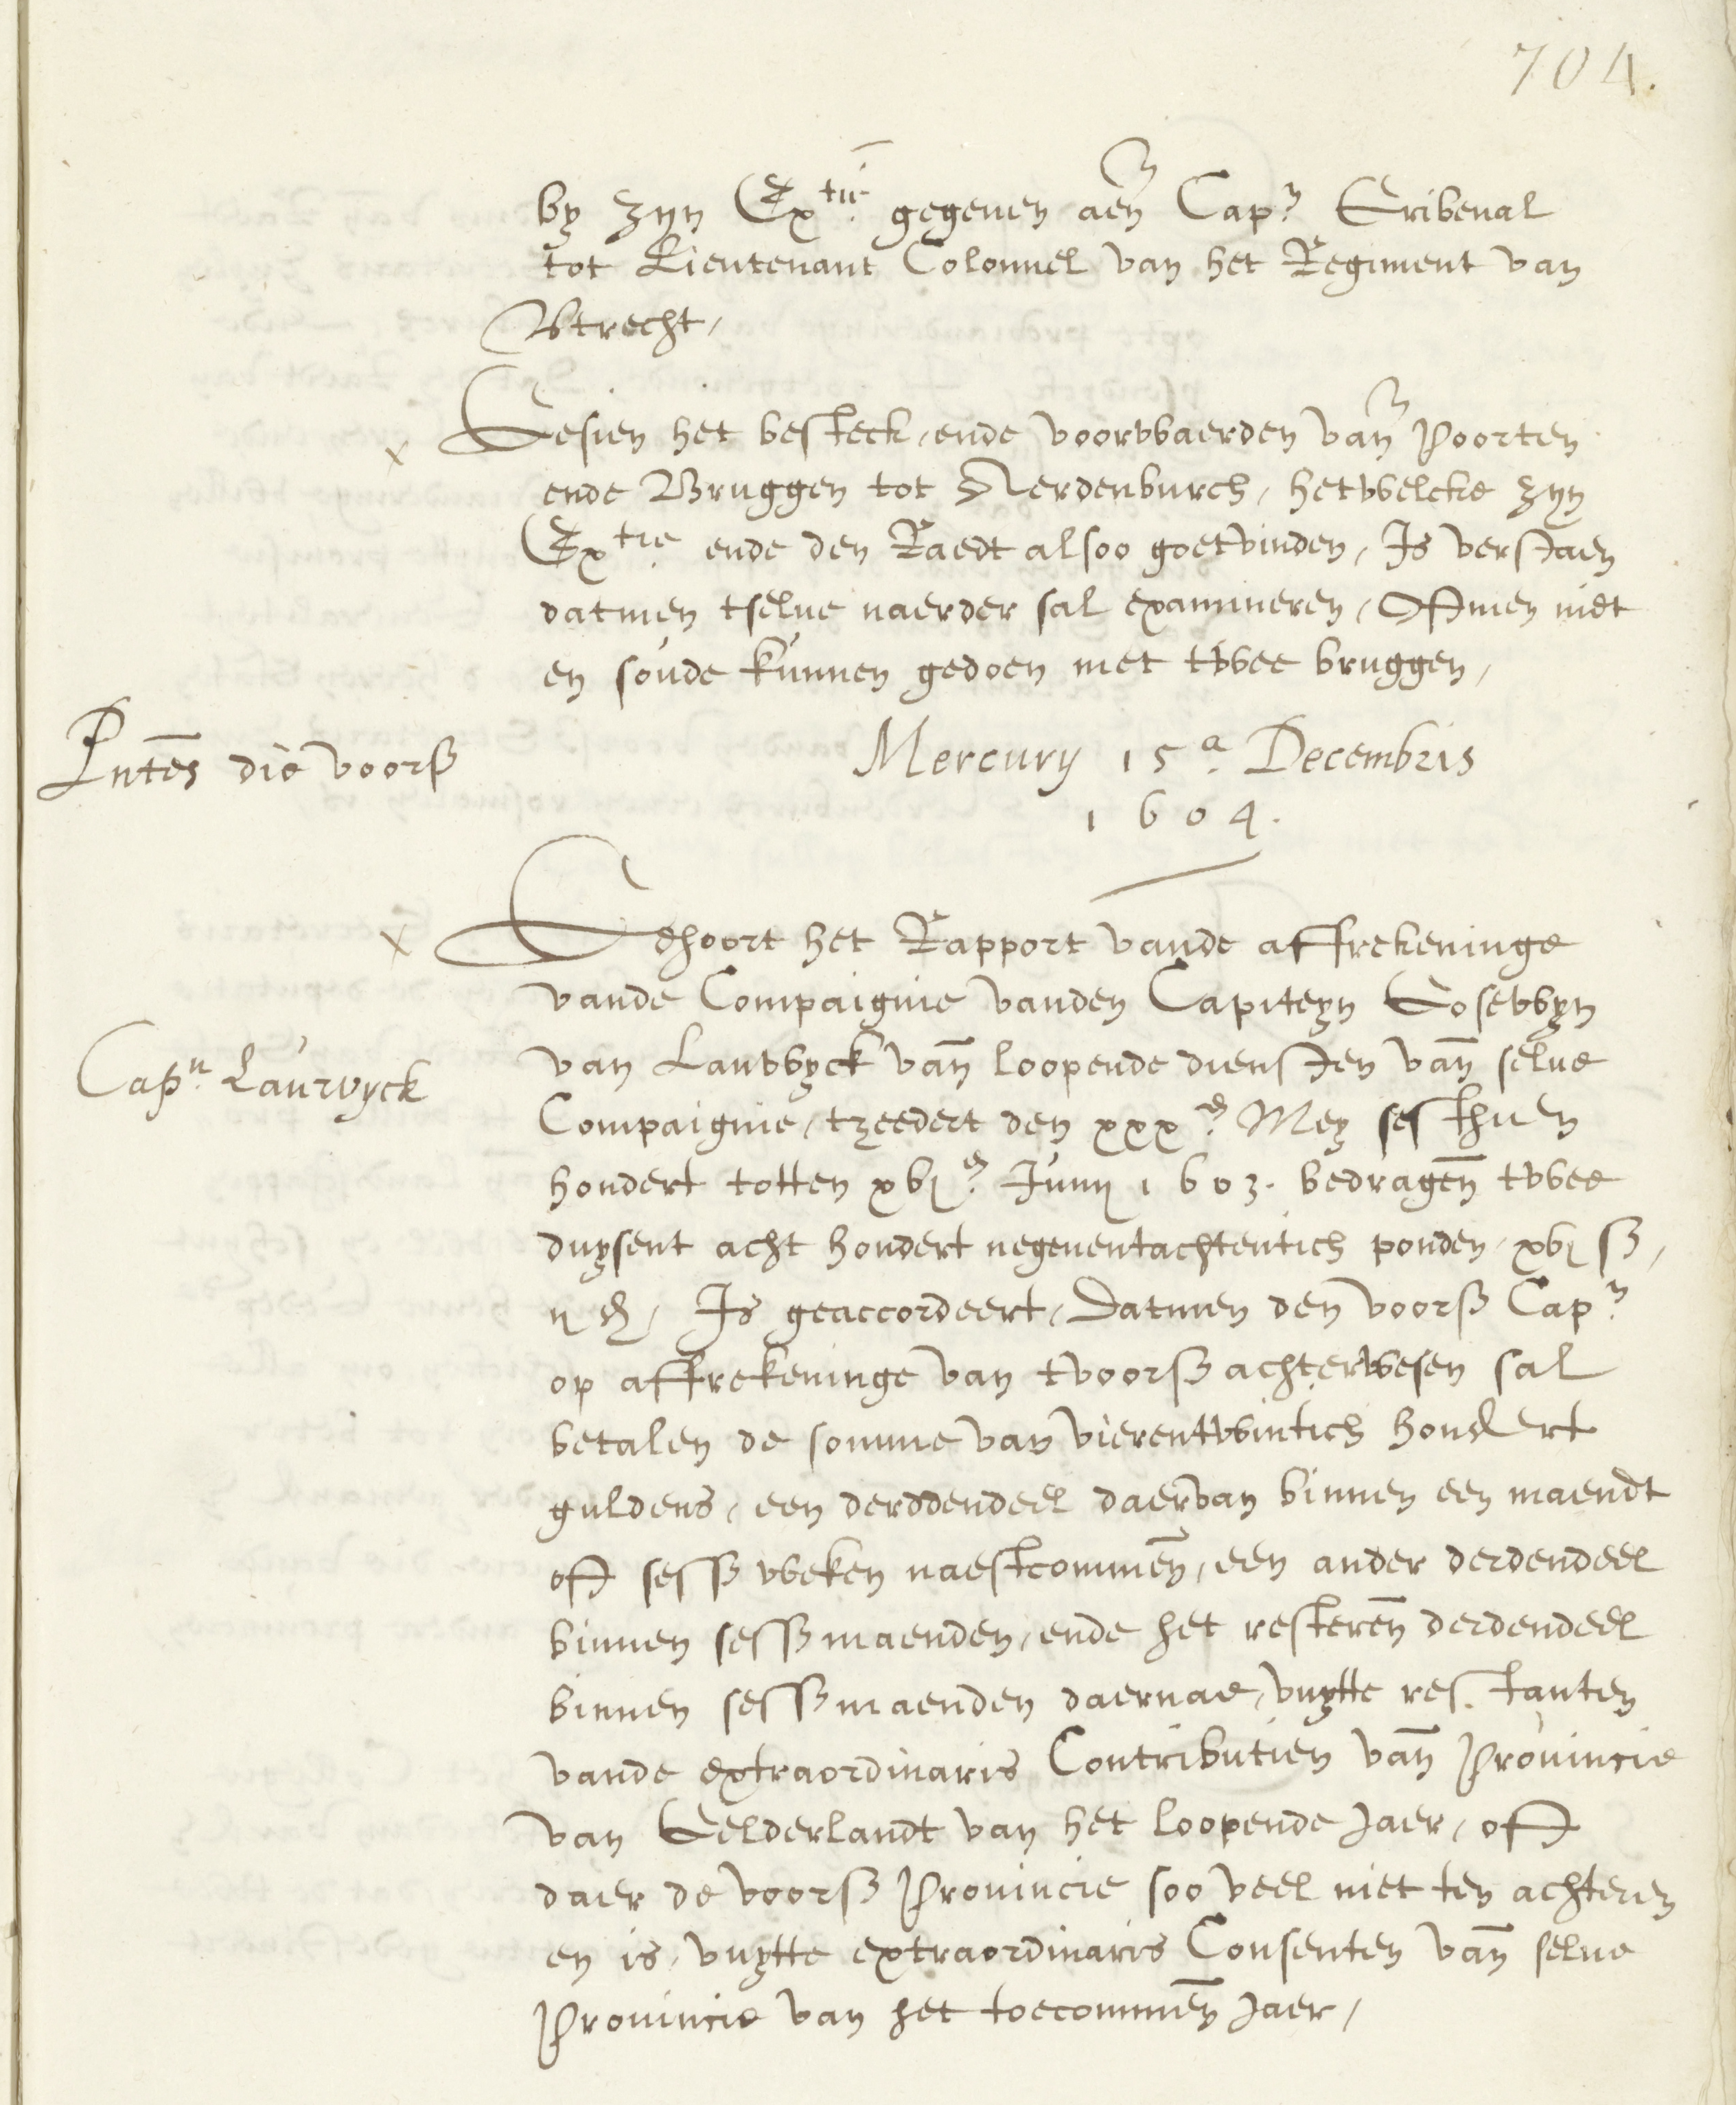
704.
by zijn Extie gegeven aend. Capn Eribenal
tot Lieutenant Colonnel van het Regiment van
Utrecht.
Gesien het besteck ende voorwaerden van poorten
ende Bruggen tot Aerdenburch, hetwelcke zijn
Extie ende den Raedt alsoo goetvinden, Is verstaen
datmen tselue naerder sal examineren, off men niet
en soude kunnen gedoen met twee bruggen.
Pntes die voors
Mercury 15a Decembris
1604
Capn Lauwyck
Gehoort het rapport vande affrekeninge
vande Compaignie vanden Capiteyn Gosewyn
van Lauwyck van loopende diensten van selue
Compaignie, tzeedert den xxxe. Mey sesthien
hondert totten xvje. Juny 1603. bedragen twee
duysent acht hondert negenentachtentich ponden xvj sc,
ii d. Is geaccordeert datmen den voors Capn
op affrekeninge van tvoors achterwesen sal
betalen de somme van vierentwintich hondert
guldens, een derddendeel daervan binnen een maendt
off sess weken naestcomen, een ander derdendeel
binnen sess maenden, ende het resteren derdendeel
binnen sess maenden daernae, vuytte restanten
vande extraordinaris Contributien van provincie
van Gelderlandt van het loopende jaer, off
daer de voors provincie soo veel niet ten achteren
en is, vuytte extraordinaris consenten van selue
provincie het toecommen jaer.
